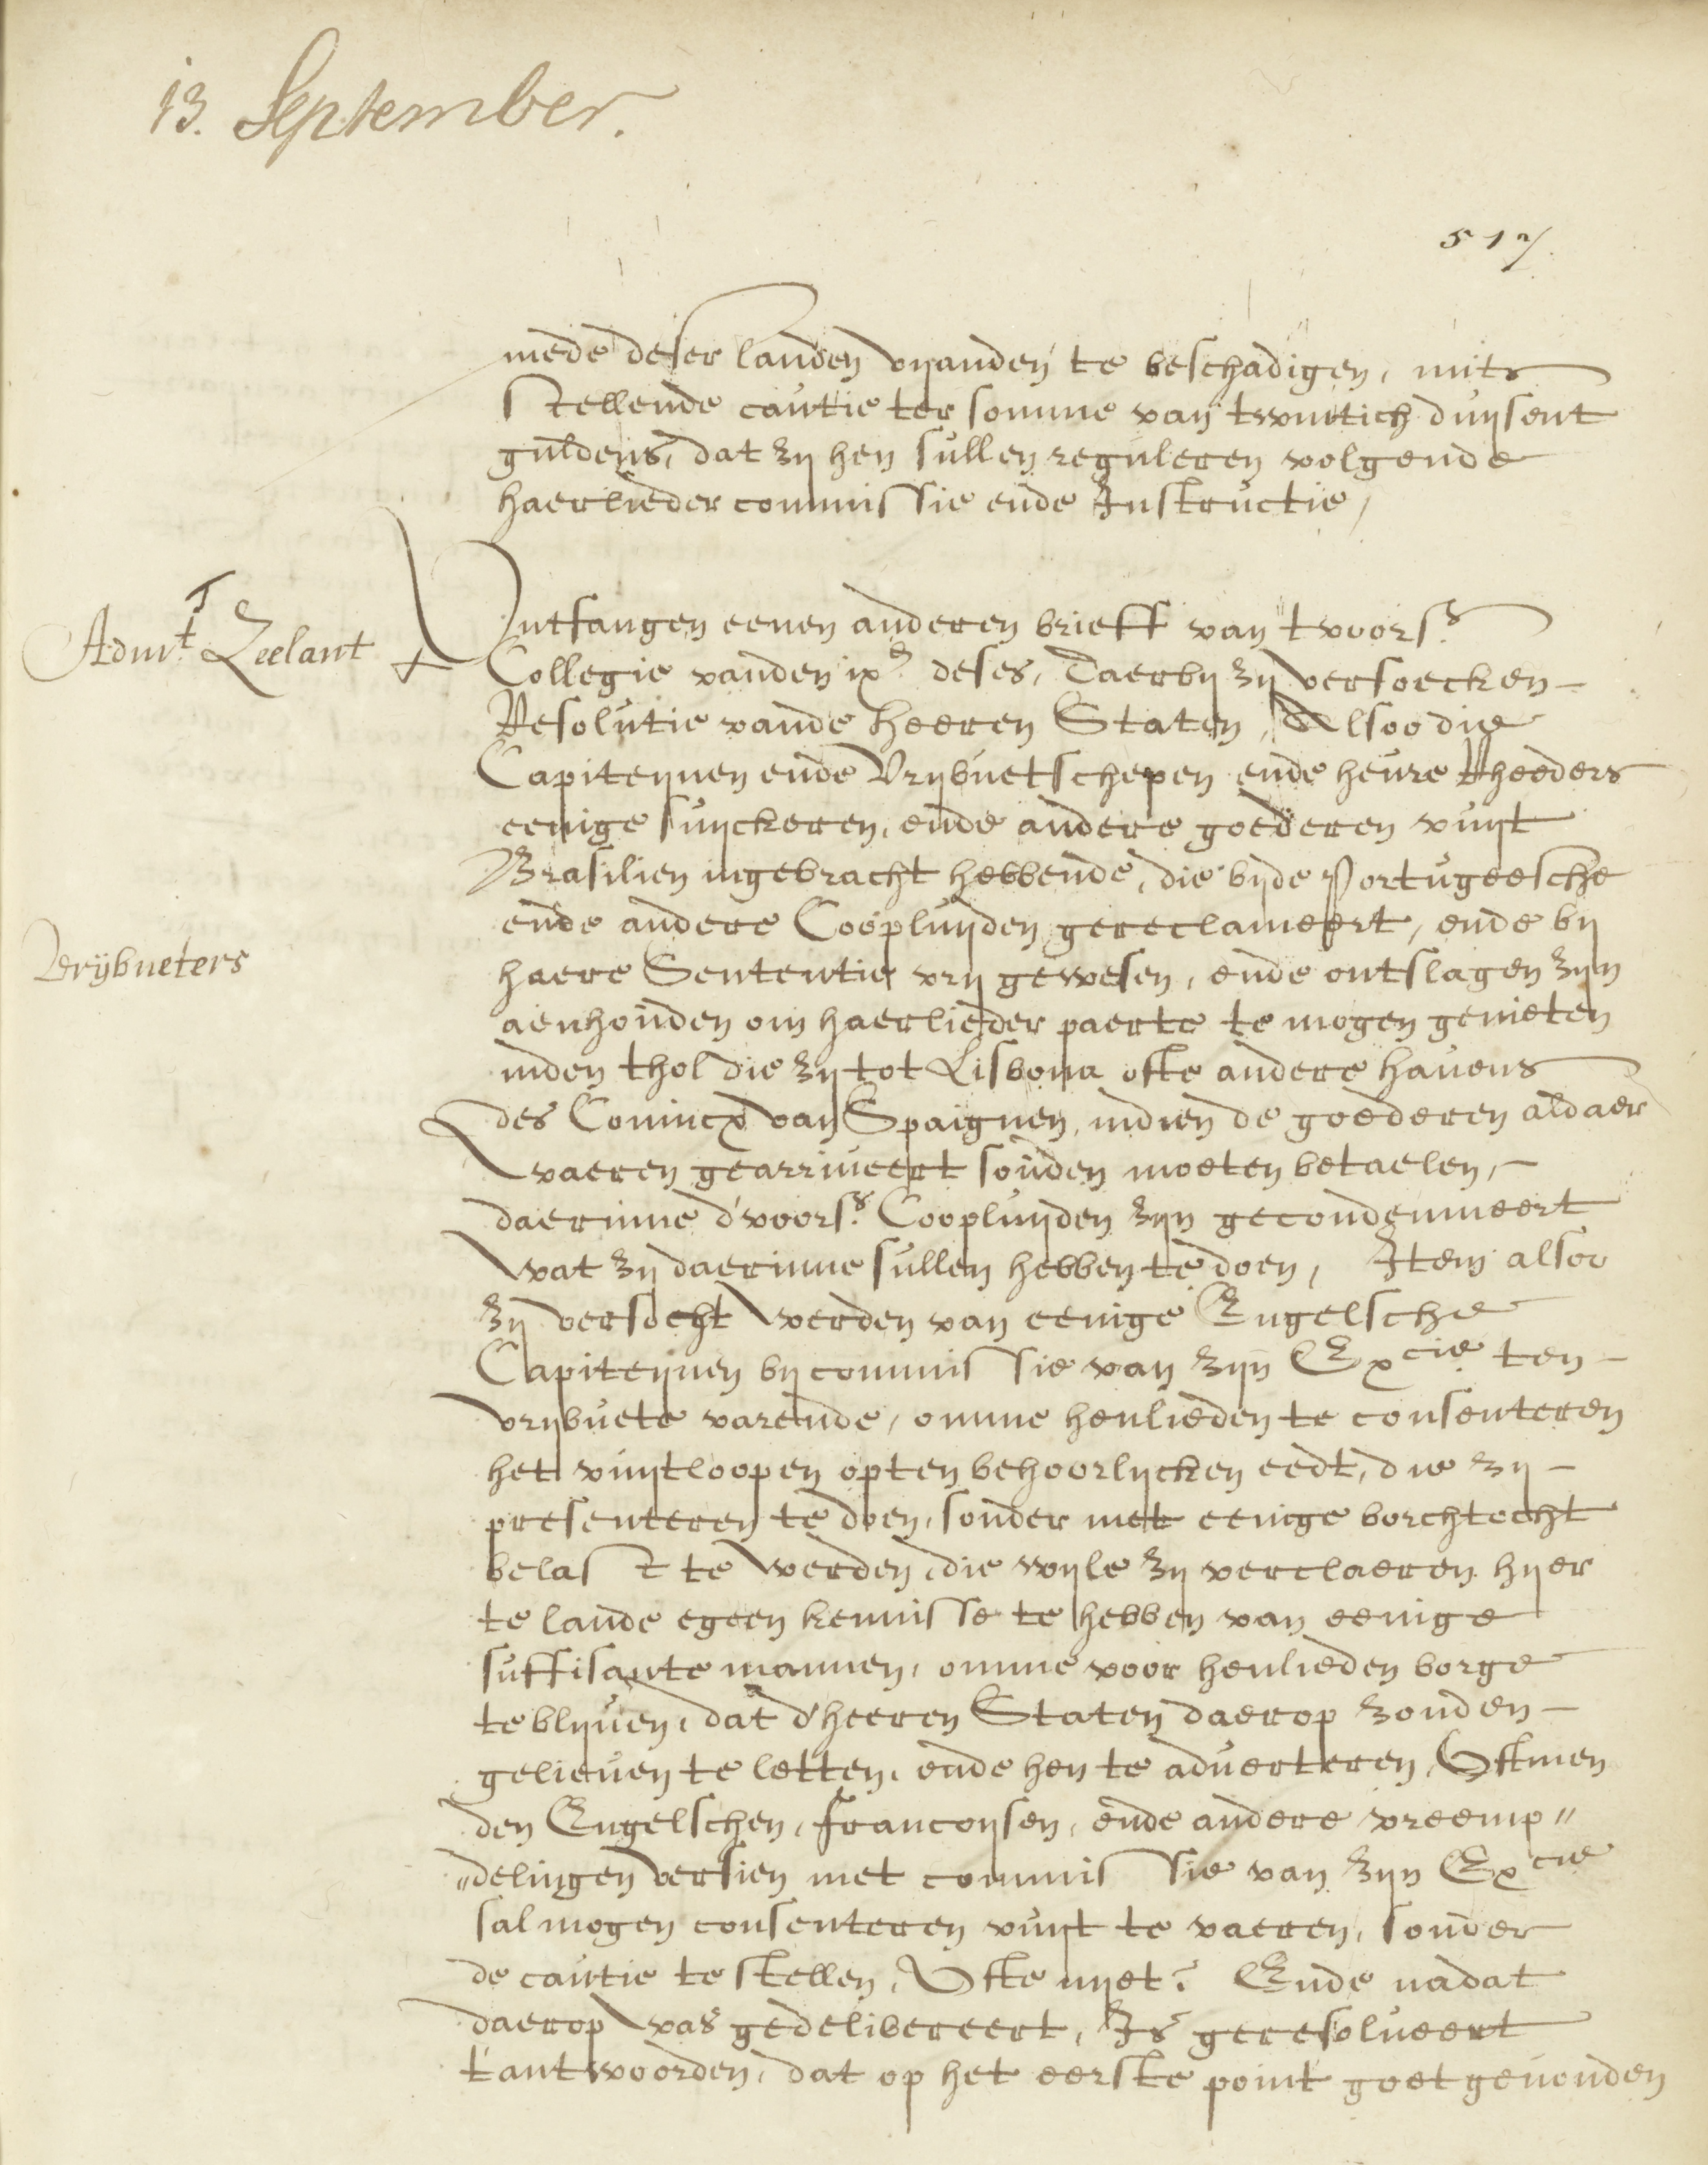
13. September.
517
mede deser landen vyanden te beschadigen, mits
stellende cautie ter somme van twintich duysent
guldens, dat zy hen sullen reguleren volgende
haerlieder commissie ende Instructie.
Admt. Zeelant
Vrijbueters
Ontfangen eenen anderen brieff van 't voors
Collegie vanden ixe. deses, daerby zy versoecken
resolutie vande heeren Staten, Alsoo die
Capiteynen ende Vrybuetschepen ende heure Rheeders
eenige suyckeren, ende andere goederen vuyt
Brasilien ingebracht hebbende, die byde Portugeesche
ende andere Coopluyden gereclameert, ende by
haere Sententie vry gewesen, ende ontslagen zyn
aenhouden om haerlieder paerte te mogen genieten
inden thol die zy tot Lisbona ofte andere hauens
des Conincx van Spaignen, indien de goederen aldaer
waeren gearriueert souden moeten betaelen.
daerinne d'voors. Coopluyden zijn gecondemneert
wat zy daerinne sullen hebben te doen, Item alsoe
zy versocht werden van eenige Engelsche
Capiteynen by commissie van zyn Excie ten
vrybuete varende, omme henlieden te consenteren
het vuytloopen opten behoorlycken eedt, die zy-
presenteren te doen, sonder met eenige borchtocht
belast te werden, die wyle zy verclaeren hyer
te lande egeen kennisse te hebben van eenige
suffisante mannen, omme voor henlieden borge
te blyuen, dat d'heeren Staten daerop zouden
gelieuen te letten, ende hen te aduerteren, Oftmen
den Engelschen, Francoysen, ende andere vreemp„
,,delingen versien met commissie van zyn Excie
sal mogen consenteren vuyt te vaeren, sonder
de cautie te stellen, Ofte nyet. Ende nadat
daerop was gedelibereert, Is geresolueert
t'antwoorden, dat op het eerste point goetgeuonden
